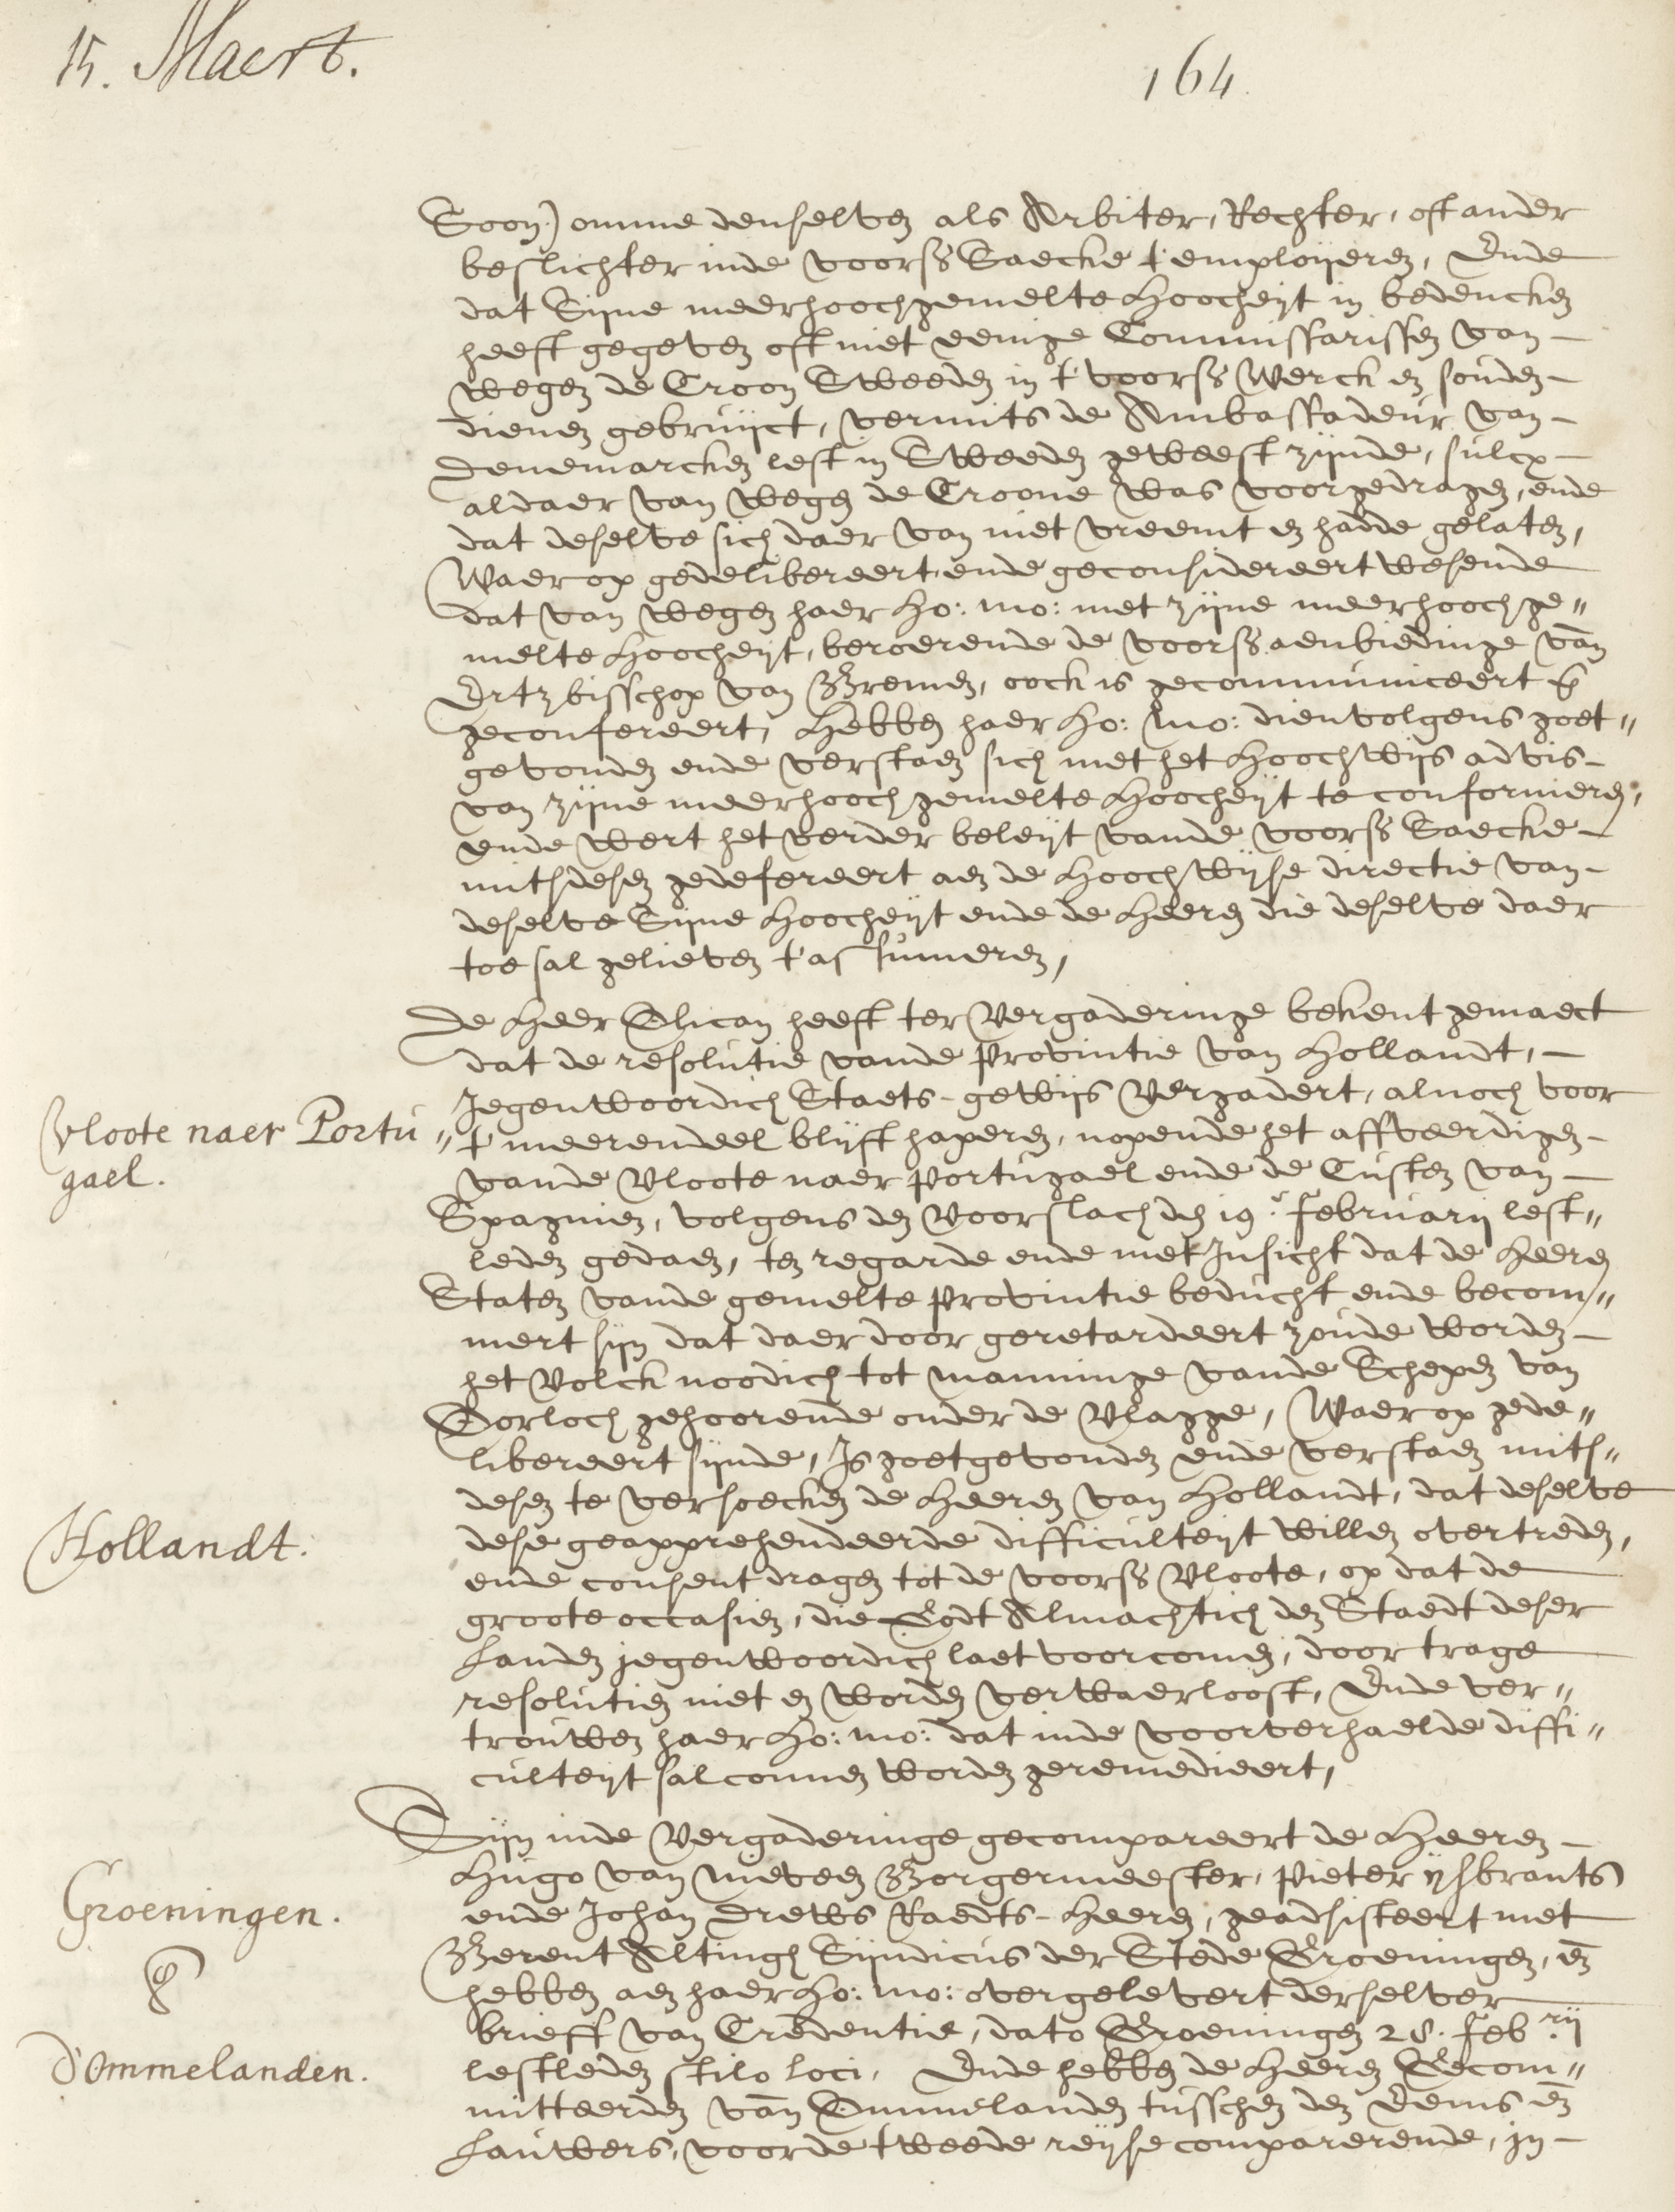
Soon) omme denselven als Arbiter, Rechter oft ander
beslichter in de voorsz Saecke t‛emploijeren. Ende
dat Sijne meerhoochgemelte Hoocheijt in bedencken
heeft gegeven oft niet eenige Commissarissen van —
wegen de Croon Sweeden in t‛ voorsz werck en souden —
dienen gebruijct, vermits de Ambassadeur van —
Denemarcken lest in Sweeden geweest zijnde, sulcx —
aldaer van wegen de Croone was voorgedragen, ende
dat deselve sich daer van niet vreemt en hadde gelaten,
Waerop gedelibereert ende geconsidereert wesende
dat van wegen haer Ho:mo: met zijne meerhoochge„
melte Hoocheijt, beroerende de voorsz aenbiedinge van
Ertzbisschop van Bremen, oock is gecommuniceert &
geconfereert, Hebben haer Ho:Mo: dienvolgens goet„
gebonden ende verstaen sich met het Hoochwijs advis
van zijne meerhoochgemelte Hoocheijt te conformeren,
ende wert het verder beleijt van de voorsz Saecke —
mitsdesen gedefereert aen de Hoochwijse directie van —
deselve Sijne Hoocheijt ende de Heeren die deselve daer
toe sal gelieven t‛assumeren.
15 Maert.
164
Vloote naer Portu
gael.
Hollandt.
De Heer Olican heeft ter Vergaderinge bekent gemaect
dat de resolutie van de Provintie van Hollandt, —
Jegenwoordich Staets gewijs Vergadert, alnoch voor
t‛meerendeel blijft haperen, nopende het affveerdigen —
van de Vloote naer Portugael ende de Custen van —
Spagnien, volgens den voorslach den 19e Februarij lest„
leden gedaen, ten regarde ende met Insicht dat de Heeren
Staten vande gemelte Provintie beducht ende becom„
mert sijn dat daer door geretardeert zoude worden —
het Volck noodich tot manninge van de Schepen van
Oorloch gehoorende onder de Vlagge. Waerop gede„
libereert sijnde, Is goetgevonden ende verstaen mits„
desen te versoecken de Heeren van Hollandt, dat deselve
dese geapprehendeerde difficulteijt willen overtreden,
ende consent dragen tot de voorsz Vloote, op dat de
groote occasien, die Godt Almachtich den Staedt deser
Landen jegenwoordich laet voorcomen, door trage
resolutien niet en worden verwaerloost. Ende ver„
trouwen haer Ho:mo: dat ande voorverhaelde diffi„
culteijt sal connen worden geremedieert.
Sijn inde Vergaderinge gecompareert de Heeren —
Hugo van Nieveen Borgermeester, Pieter ijsbrants
ende Johan Drews Raedts-Heeren, geadsisteert met
Berent Altingh Sijndicus der Stede Groeningen, en
hebben aen haer Ho:mo: overgelevert derselver
brieff van Credentie, dato Groeningen 28 febrij
lestleden stilo loci. Ende hebben de Heeren Gecom„
mitteerden van Ommelanden tusschen den Eems en
Lauwers. voor de tweede reijse comparerende, in —
Groeningen.
&
d‛Ommelanden
